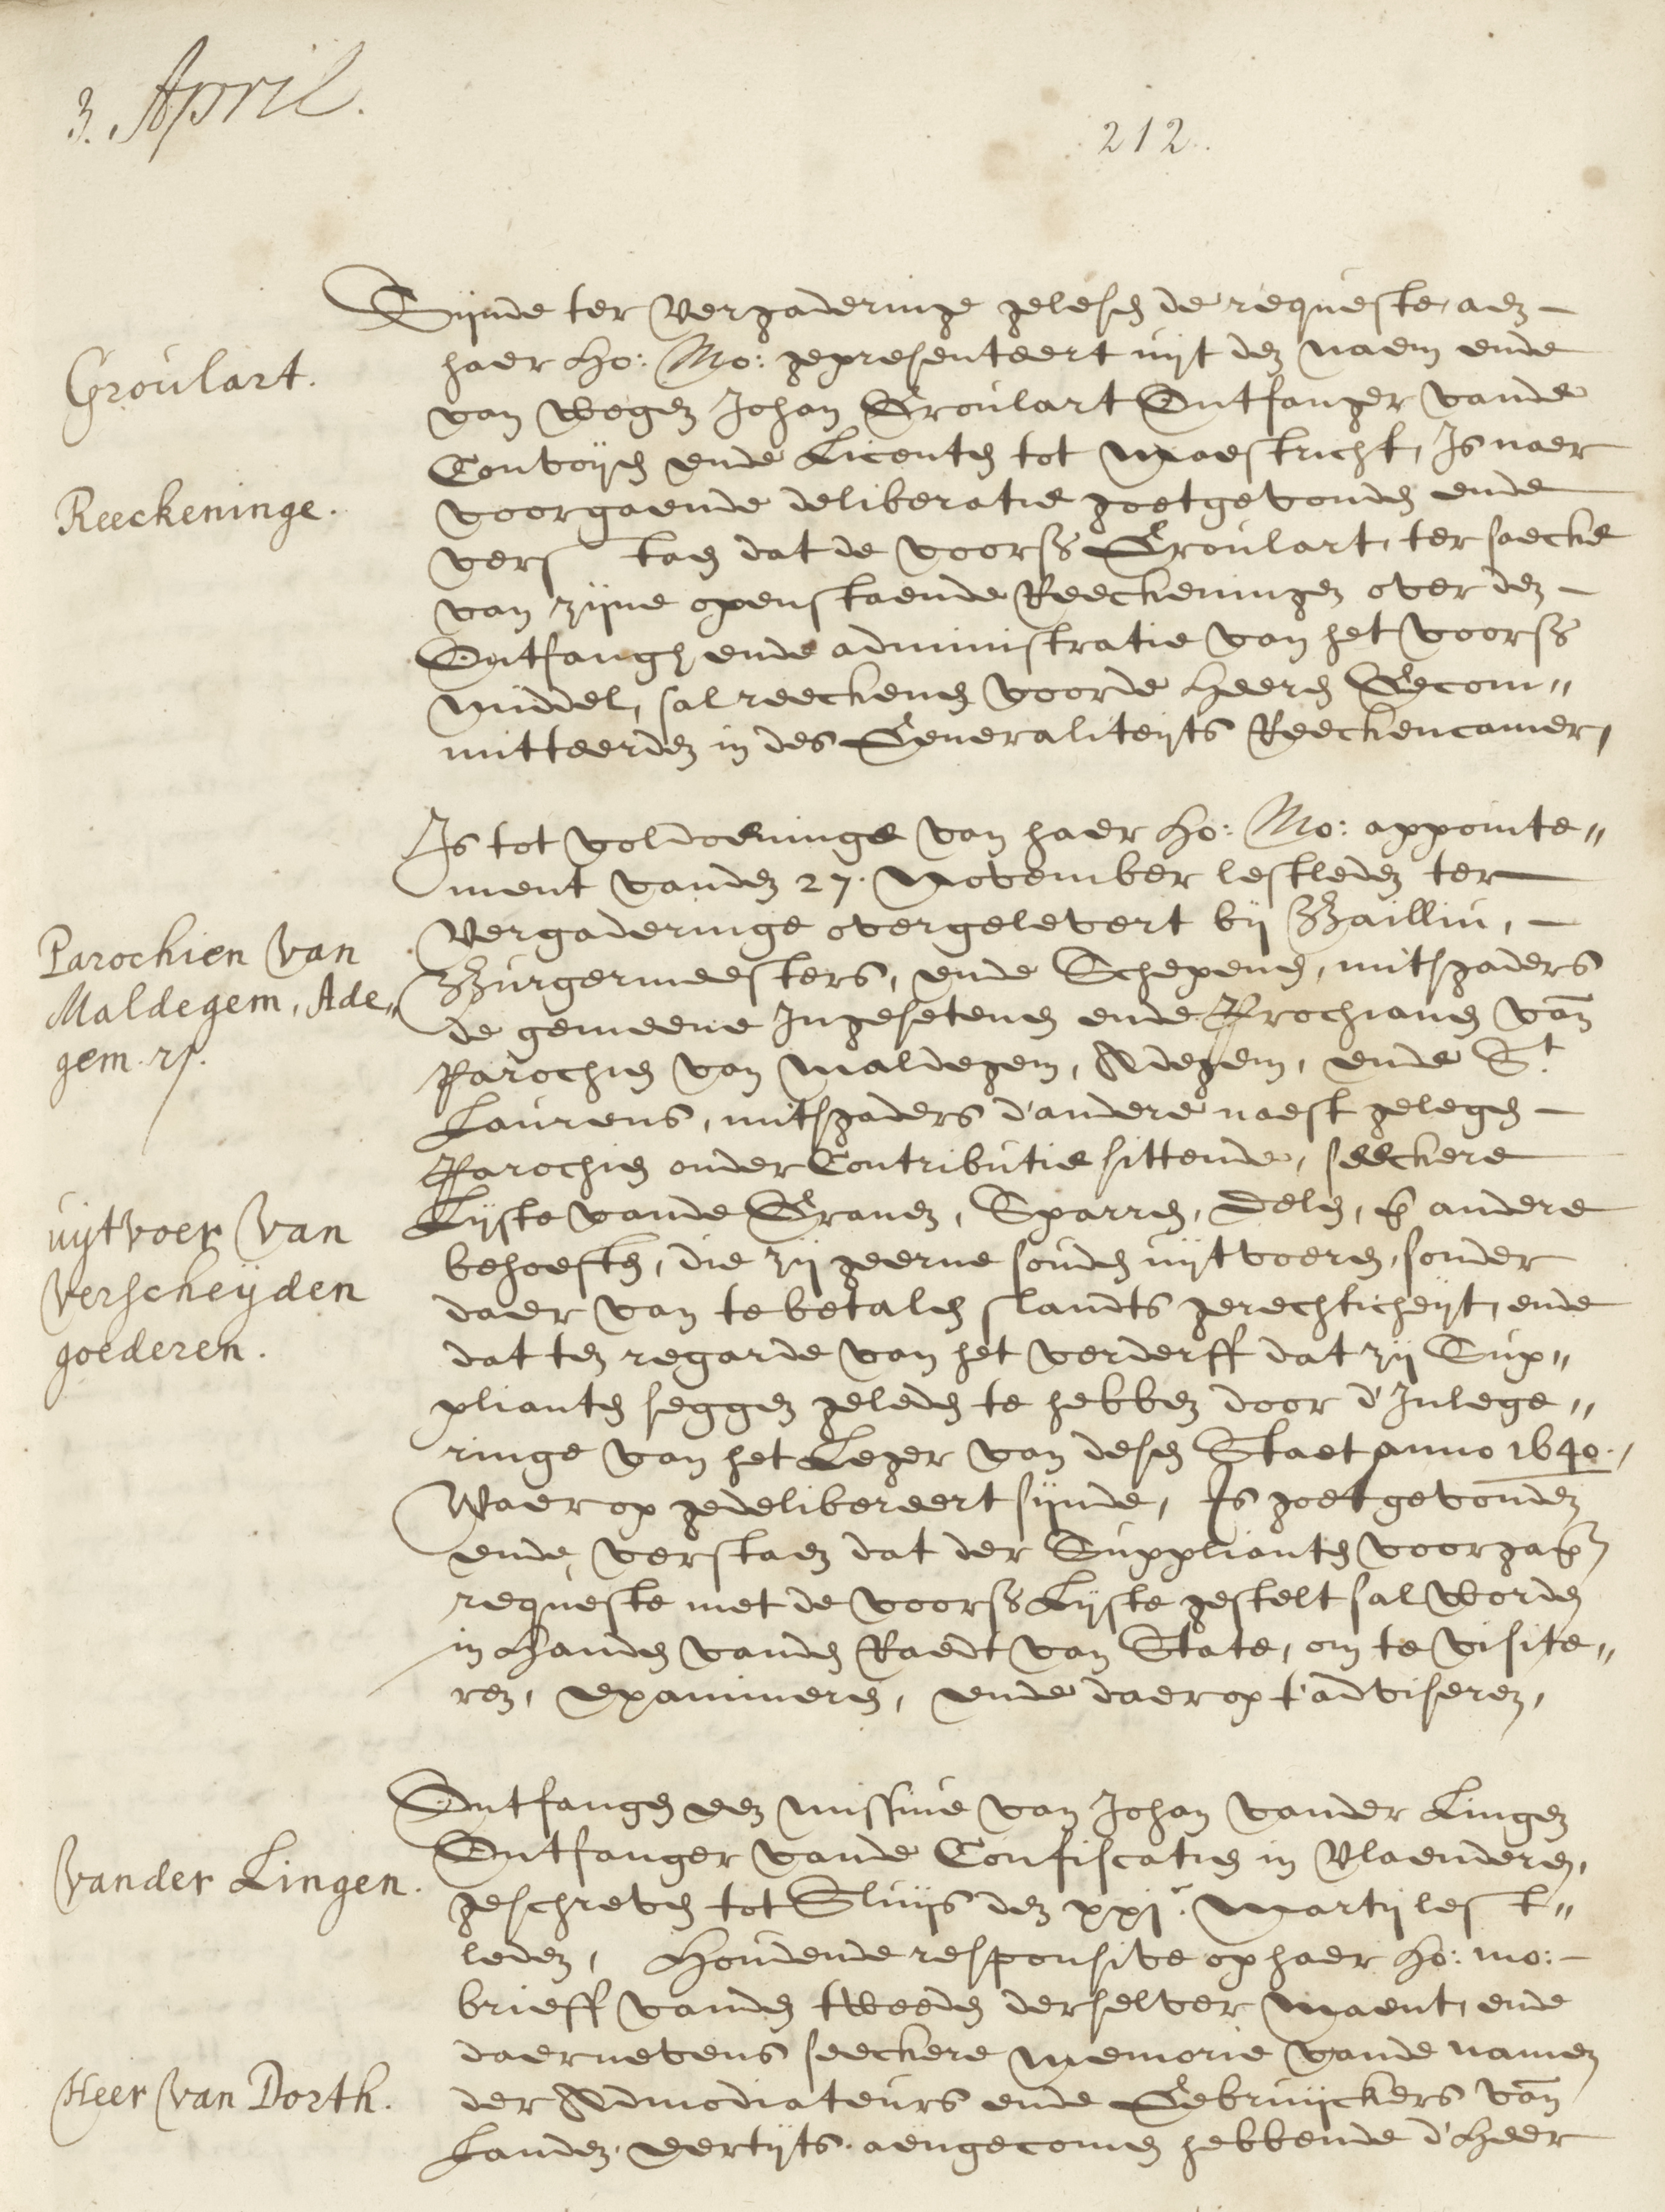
212
3. April.
Groulart.
Reeckeninge.
Sijnde ter vergaderinge gelesen de requeste aen —
haer Ho:Mo: gepresenteert uijt den naem ende
van wegen Johan Groulart Ontfanger vande
Convoijen ende Licenten tot Maestricht. Is naer
voorgaende deliberatie goetgevonden ende
verstaen dat de voorsz Groulart, ter saecke
van zijne openstaende Reeckeningen over den —
Ontfangh ende administratie van het voorsz
middel, sal reeckenen voorde heeren Gecom„
mitteerden in des Generaliteijts Reeckencamer.
Parochien van
Maldegem, Ade„
gem etc.
Uijtvoer van
verscheijden
goederen.
Is tot voldoeninge van haer Ho:Mo: appointe„
ment vanden 27· November lestleden ter
Vergaderinge overgelevert bij Bailliu, —
Burgermeesters, ende Schepenen, mitsgaders
de gemeene Ingesetenen ende Prochianen van
parochien van Maldegem, Adegem, ende St.
Laurens, mitsgaders d'andere naest gelegen —
parochien onder Contributie sittende, seeckere
Lijste vande Granen, Sparren, Delen, & andere
behoeften, die zij geerne souden uijtvoeren, sonder
daer van te betalen slandts gerechticheijt, ende
dat ten regarde van het verderff dat zij Sup„
plianten seggen geleden te hebben door d'Inlege„
ringe van het Leger van desen Staet anno 1640 ·.
Waerop gedelibereert sijnde, Is goetgevonden
ende verstaen dat der Supplianten voorgaen
requeste met de voorsz Lijste gestelt sal worden
in handen vanden Raedt van State, om te visite„
ren, examineren, ende daerop t'adviseren.
Vander Lingen.
Heer van Dorth.
Ontfangen een missive van Johan vander Lingen
Ontfanger vande Confiscatien in Vlaenderen,
geschreven tot Sluijs den xxie. Martij lest„
leden, houdende responsive op haer Ho: Mo: -
brieff vanden tweeden derselver Maent, ende
daernevens seeckere memorie vande namen
der Admodiateurs ende Gebruijckers van
Landen eertijts aengecomen hebbende d'heer
